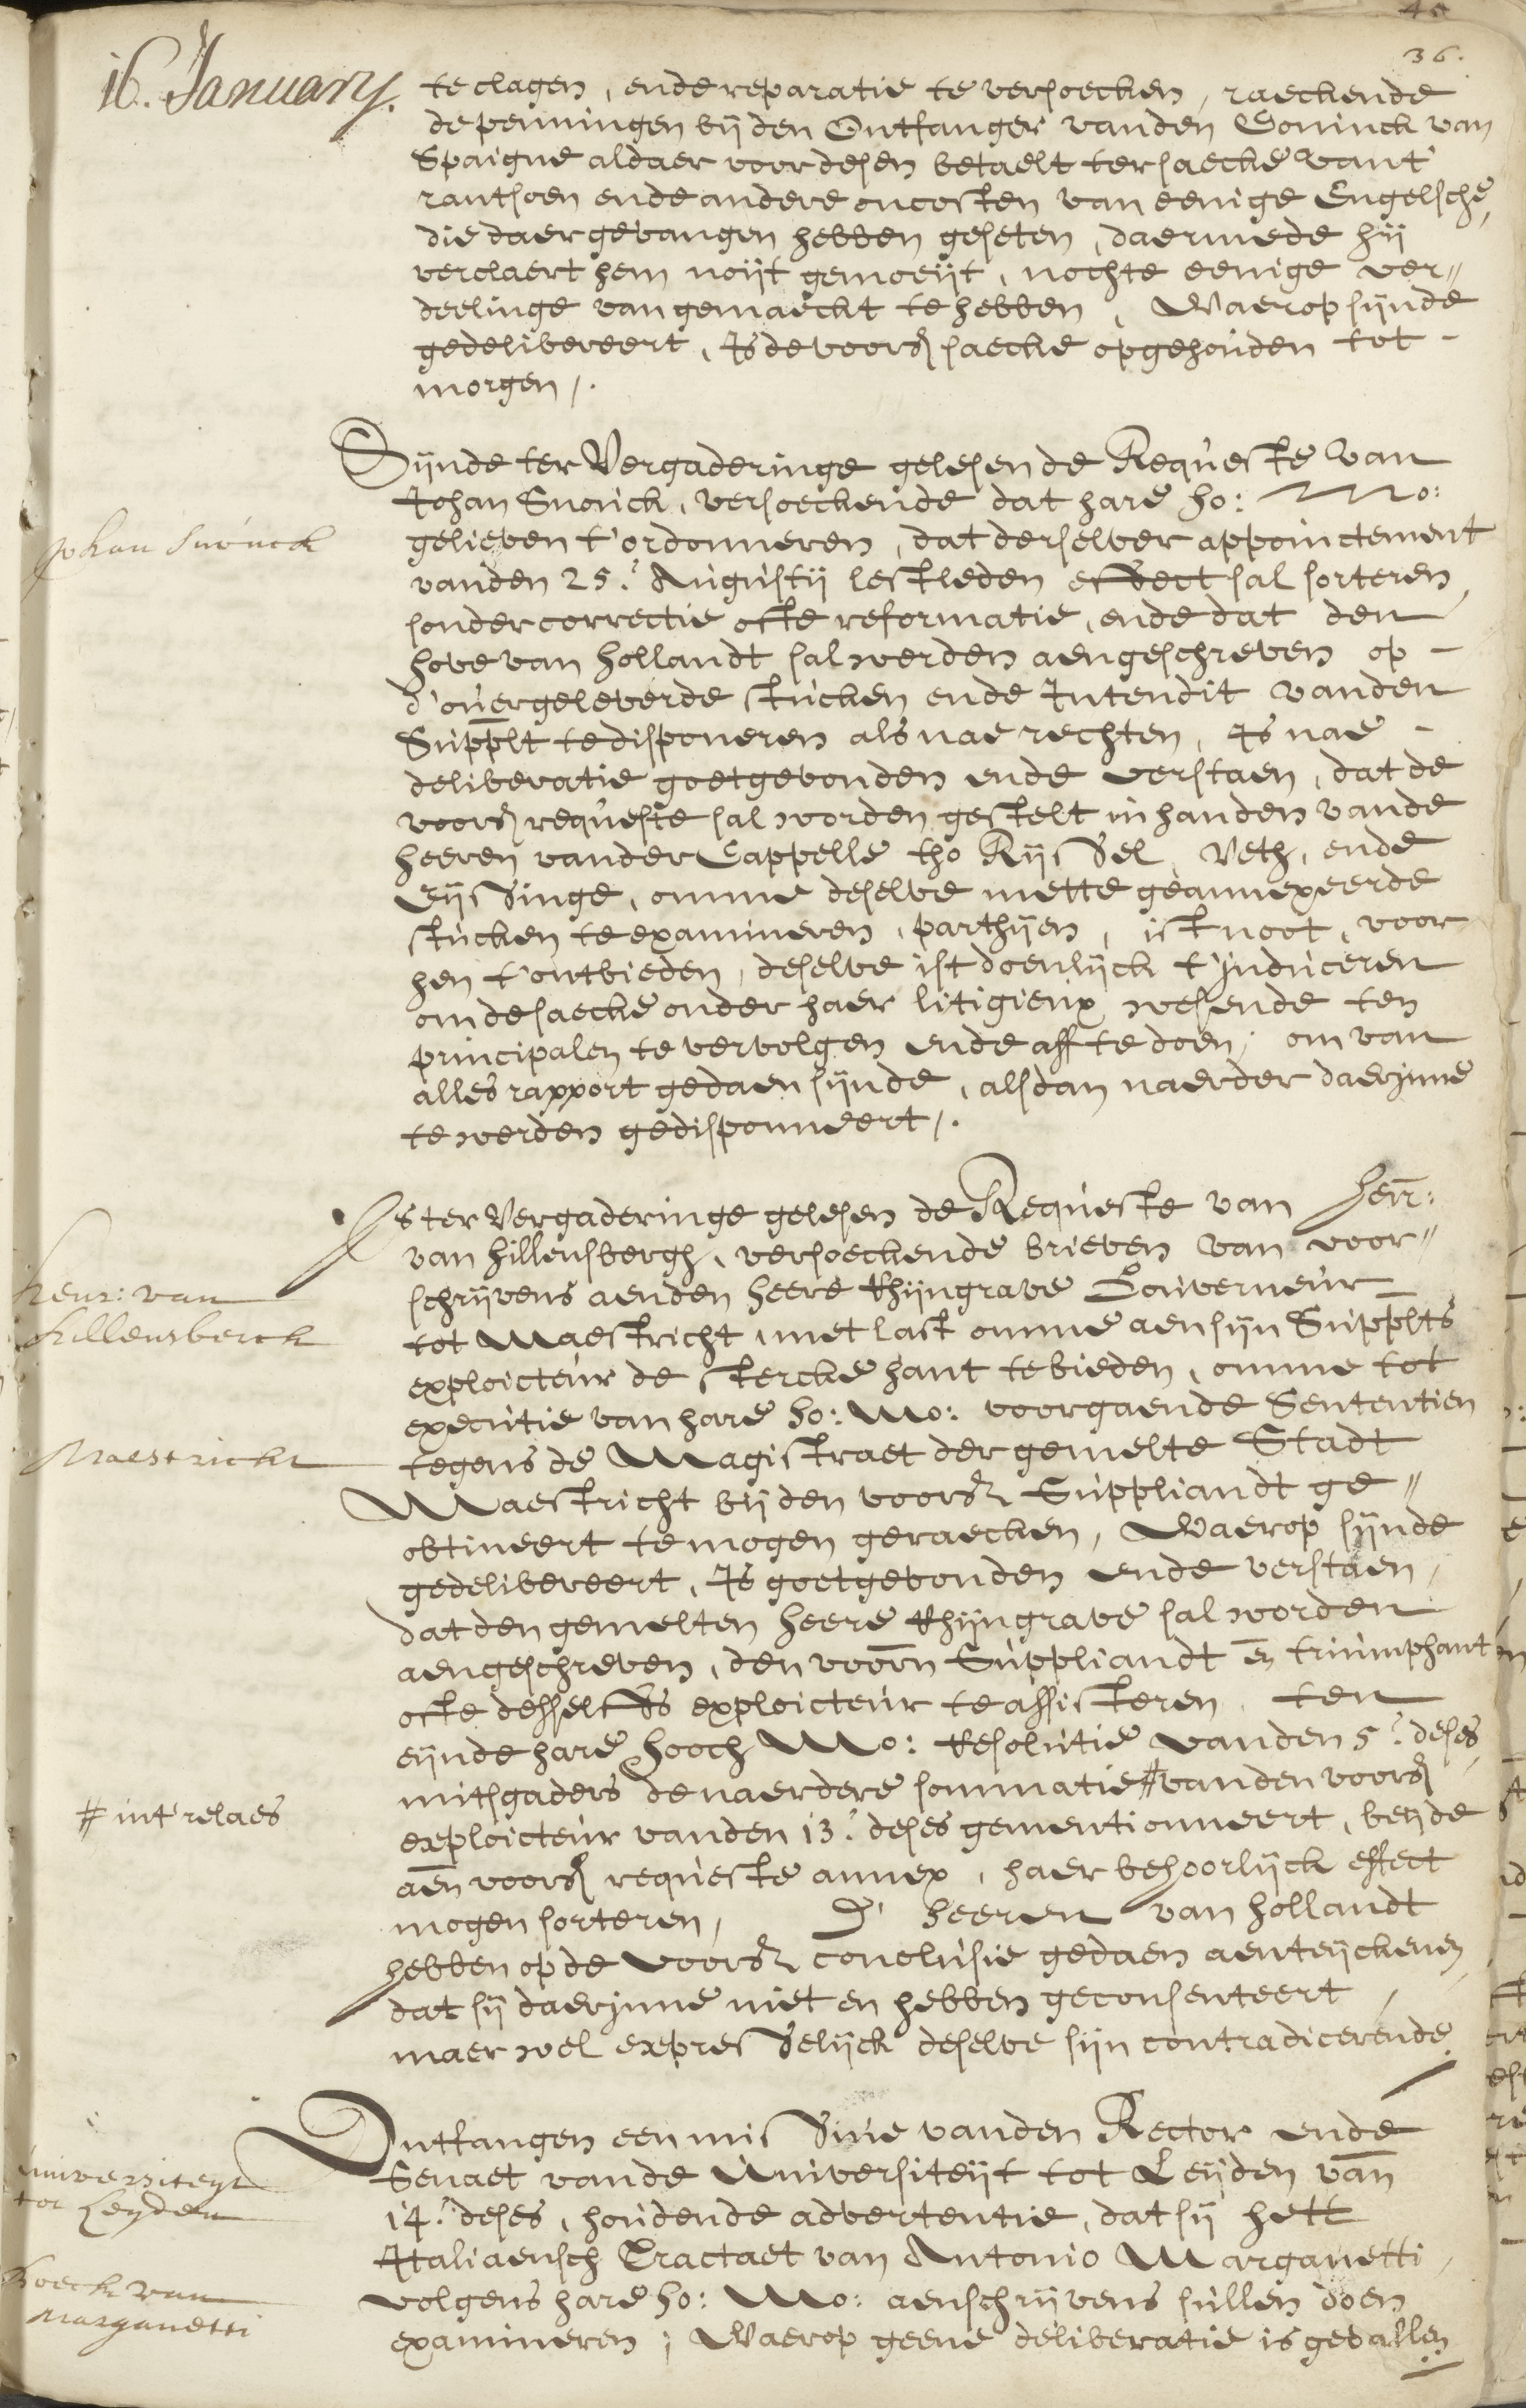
36.
16. January.
te clagen, ende reparatie te versoecken, raeckende
de penningen bij den Ontfanger vanden Coninck van
Spaigne aldaer voor desen betaelt ter saecke vant'
rantsoen ende andere oncosten van eenige Engelsche,
die daer gevangen hebben geseten, daermede hij
verclaert hem noijt gemoeijt, nochte eenige ver„
deelinge van gemaeckt te hebben. Waerop sijnde
gedelibereert, Is de voors saecke opgehouden tot
morgen.
Johan Snouck
Sijnde ter Vergaderinge gelesen de Requeste van
Johan Snouck, versoeckende dat hare Ho:Mo:
gelieven t'ordonneren, dat derselver appoinctement
vanden 25e. Augustij lestleden effect sal sorteren,
sonder correctie ofte reformatie, ende dat den
hove van hollandt sal werden aengeschreven, op ¬
d'ouergeleverde stucken ende Intendit vanden
Supplt te disponeren als nae rechten. Is nae —
deliberatie goetgevonden ende verstaen, dat de
voors requeste sal worden gestelt in handen vande
heeren vander Cappelle tho Rijssel, Veth, ende
Eijssinge, omme deselve mette geannexeerde
stucken te examineren, parthijen, ist noot, voor
hen t'ontbieden, deselve ist doenlijck t'induceren
om de saecke onder haer litigieux wesende ten
principalen te vervolgen ende aff te doen; om van
alles rapport gedaen sijnde, alsdan naerder daerinne
te werden gedisponneert.
Henr: van
Hillensberch
Maestricht
# int'relaes
Is ter Vergaderinge gelesen de Requeste van Henr:
van Hillensbergh, versoeckende brieven van voor„
schrijvens aenden heere Rhijngrave Gouverneur
tot Maestricht met last omme aen sijn Supplts
exploicteur de stercke hant te bieden, omme tot
executie van hare Ho:Mo: voorgaende Sententien
tegens de Magistraet der gemelte Stadt
Maestricht bij den voors Suppliandt ge,,
obtineert te mogen geraecken. Waerop sijnde
gedelibereert, Is goetgevonden ende verstaen,
dat den gemelten heere Rhijngrave sal worden
aengeschreven, den voorn. Suppliandt en triumphant
ofte desselffs exploicteur te assisteren, ten
eijnde hare Hooch Mo: Resolutie vanden 5e. deses
mitsgaders de naerdere sommatie # vanden voors
exploicteur vanden 13e. deses gementionneert, beijde
aen voors requeste annex, haer behoorlijck effect
mogen sorteren. D‛ heeren van hollandt
hebben op de voors conclusie gedaen aenteijckenen
dat sij daerinne niet en hebben geconsenteert,
maer wel expresselijck deselve sijn contradicerende.
Universiteyt
tot Leyden
Boeck van
Marganetti
Ontfangen een missiue vanden Rector ende
Senaet vande Universiteijt tot Leijden van
14e. deses, houdende advertentie, dat sij hett
Italiaensch Tractaet van Antonio Marganetti,
volgens hare ho:Mo: aenschrijvens sullen doen
examineren: Waerop geene deliberatie is gevallen.
